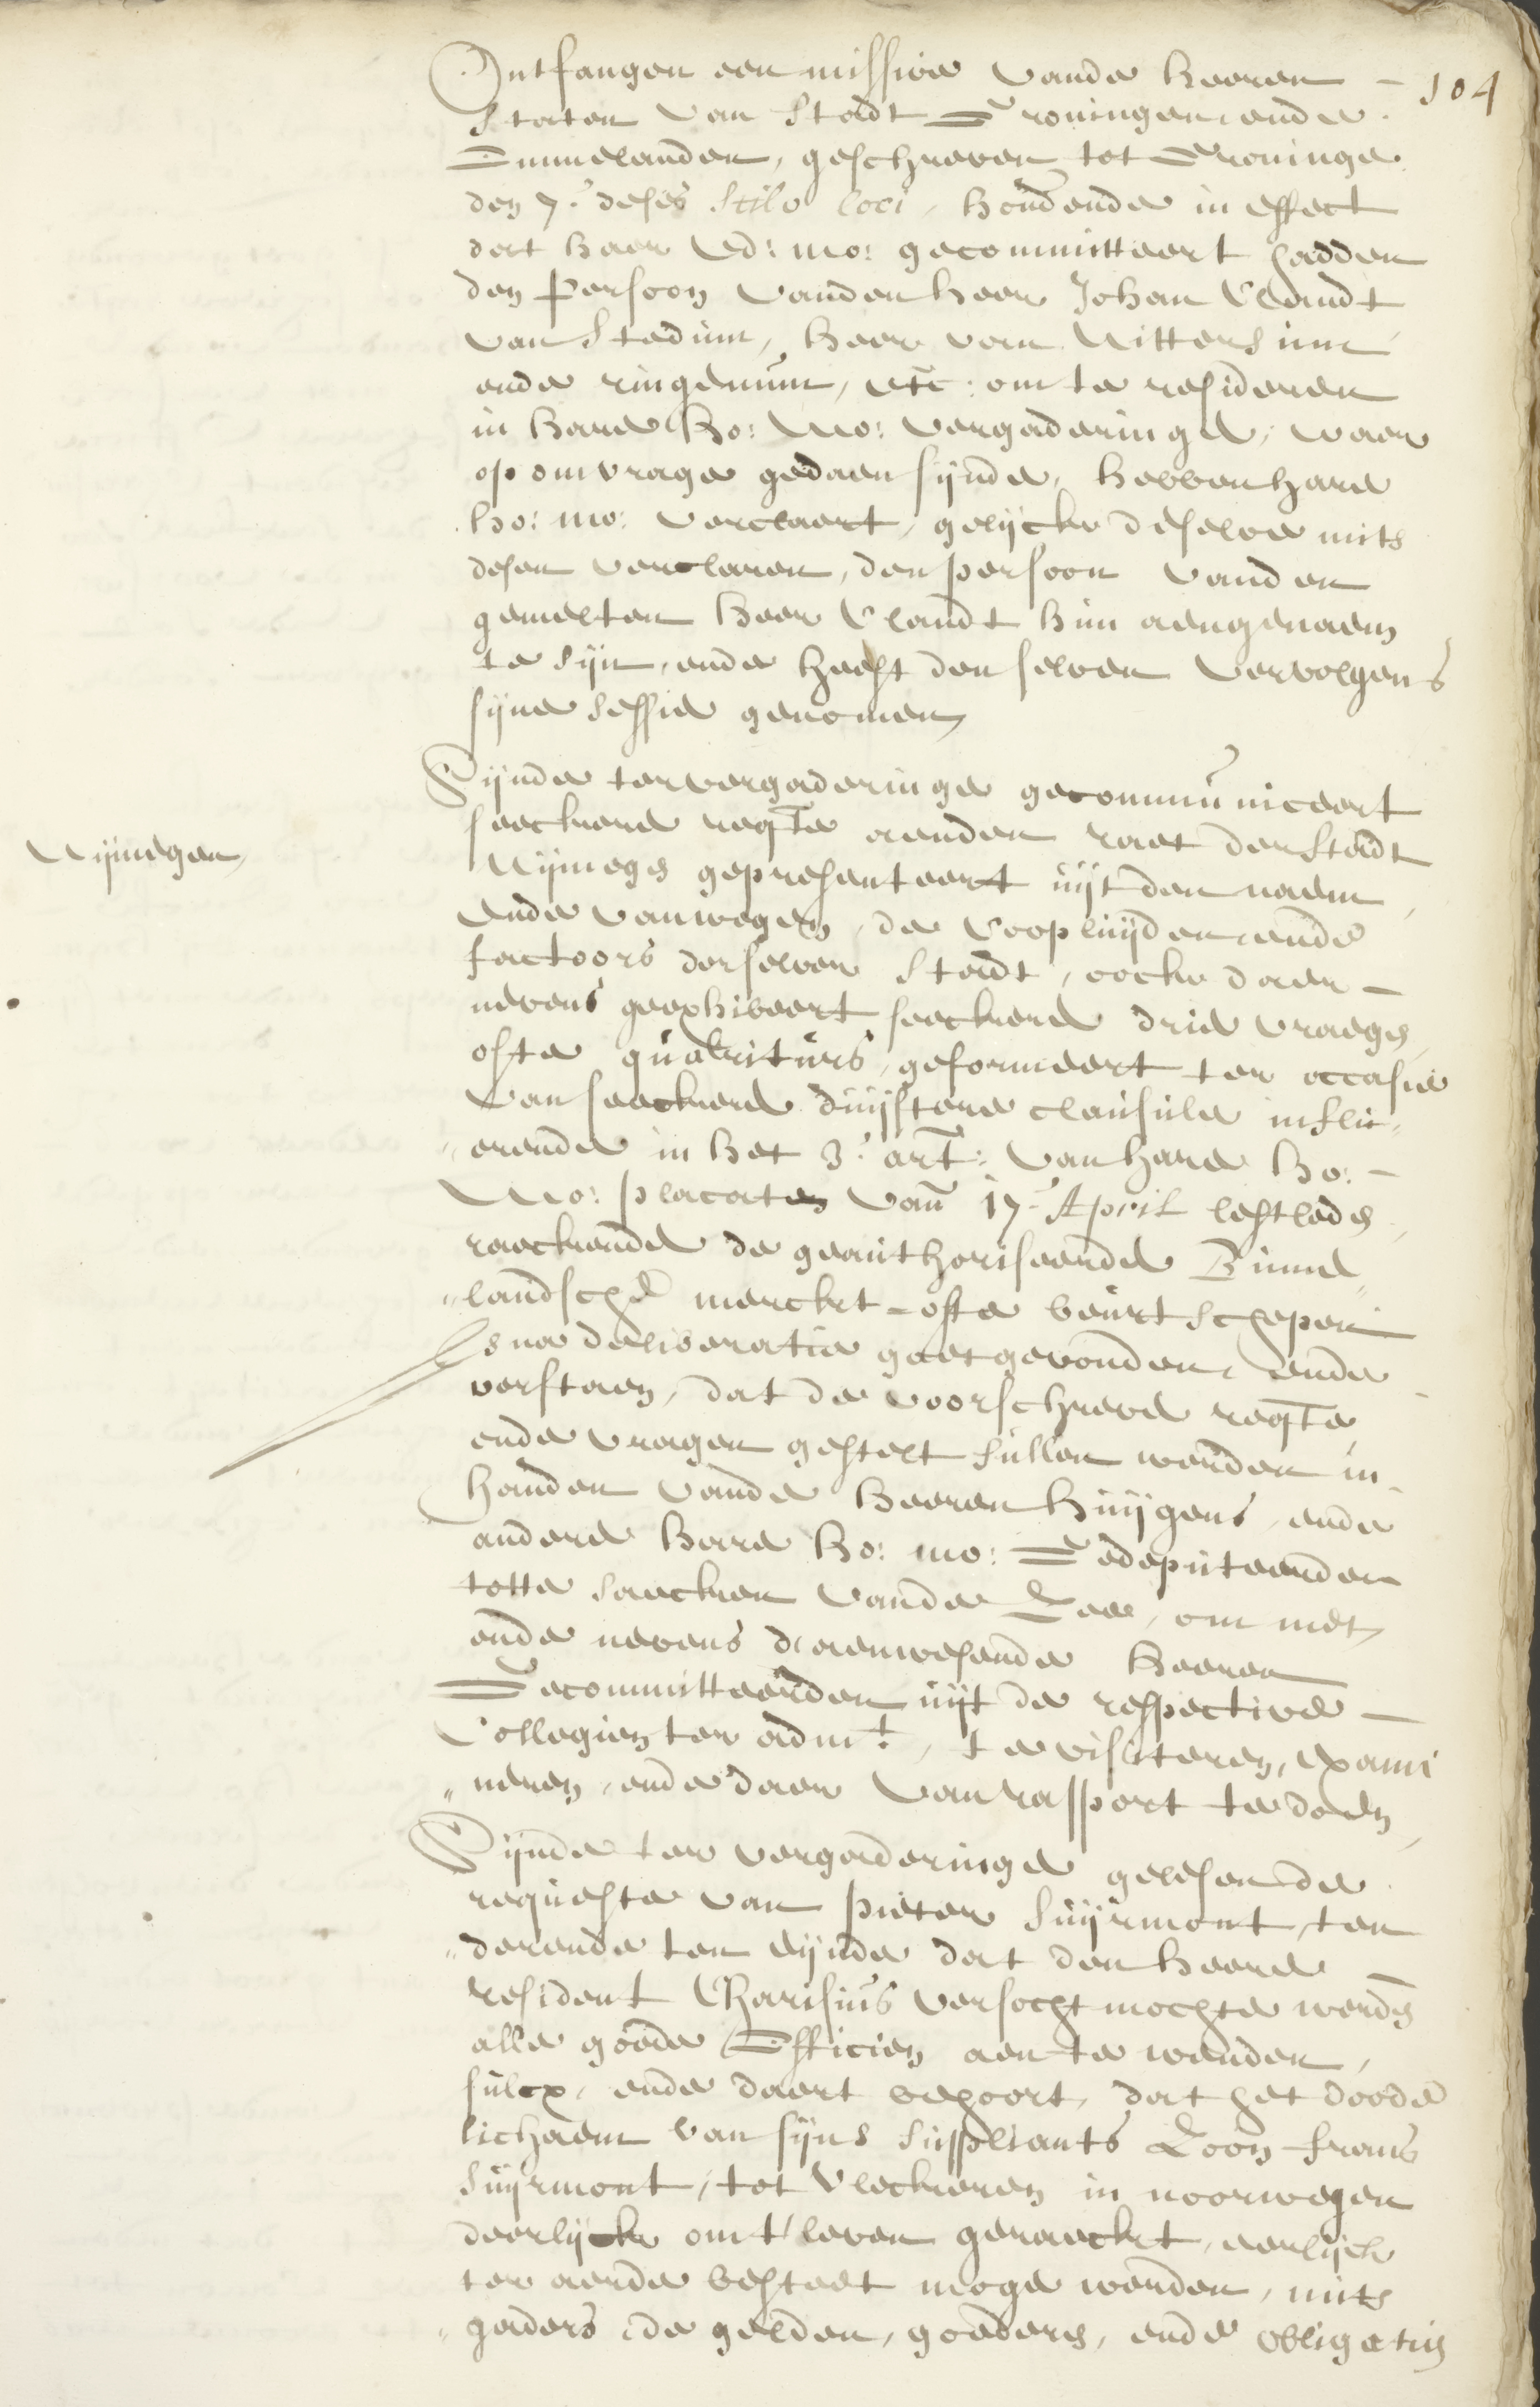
104
Ontfangen een missive vande heeren
Staten van Stadt Groningen, ende
Ommelanden, geschreven tot Groninge
den 7e. deses, stilo loci, houdende in effect
dat haer Ed:Mo: gecommitteert hadden
den Persoon vanden heer Johan Clandt
van Stedum, heer van Mittersum
ende ringenum, etc: om te resideren
in haere Ho:Mo: Vergaderinge, waer
op omvrage gedaen sijnde, hebben hare
Ho:Mo: verclaert, gelijck deselve mits
desen verclaren, den persoon vanden
gemelten heer Clandt hun aengenaem
te sijn, ende heeft den selven vervolgens
sijne sessie genomen.
Nijmegen.
Sijnde ter vergaderinge gecommuniceert
seeckere reqte aenden raet der stadt
Nijmegen gepresenteert uijt den naem,
ende vanwegen, de Coopluijden, ende
factoors derselver Stadt, oocke daer
nevens geexhibeert seeckere drie vraegen
ofte quaeriturs, geformeert ter occasie
van seeckere duijstere clausule influ„,
„erende in het 3e. art: van hare Ho:
Mo: Placaten van 17e. April lestleden,
raeckende de geauthoriseerde Binne„
„landsche merckt - ofte beurt schepen.
Is na deliberatie goet gevonden, ende
verstaen, dat de voorschreve reqte
ende vragen gestelt sullen werden in
handen vande Heeren Huijgens, ende
andere hare Ho:Mo: Gedeputeerden
totte saecken vande Zee, om met
ende nevens d‛aenwesende Heeren
Gecommitteerden uijt de respective
Collegien ter admt., te visiteren, exami
„neren, ende daer van rapport te doen,
Sijnde ter vergaderinge gelesen de
requeste van Pieter Suijrmont, ten
„derende ten eijnde dat den heere —
resident Charisius versocht mochte werden
alle goede Officien aen te wenden,
sulcx, ende daert behoort, dat het doode
lichaem van sijns Suppliants Zoon frans
Suijrmont, tot Vleckeren in noorwegen
deerlijck om t' leven geraeckt, eerlijck
ter aerde besteet moge werden, mits
„gaders, de gelden, goederen, ende obligatien
